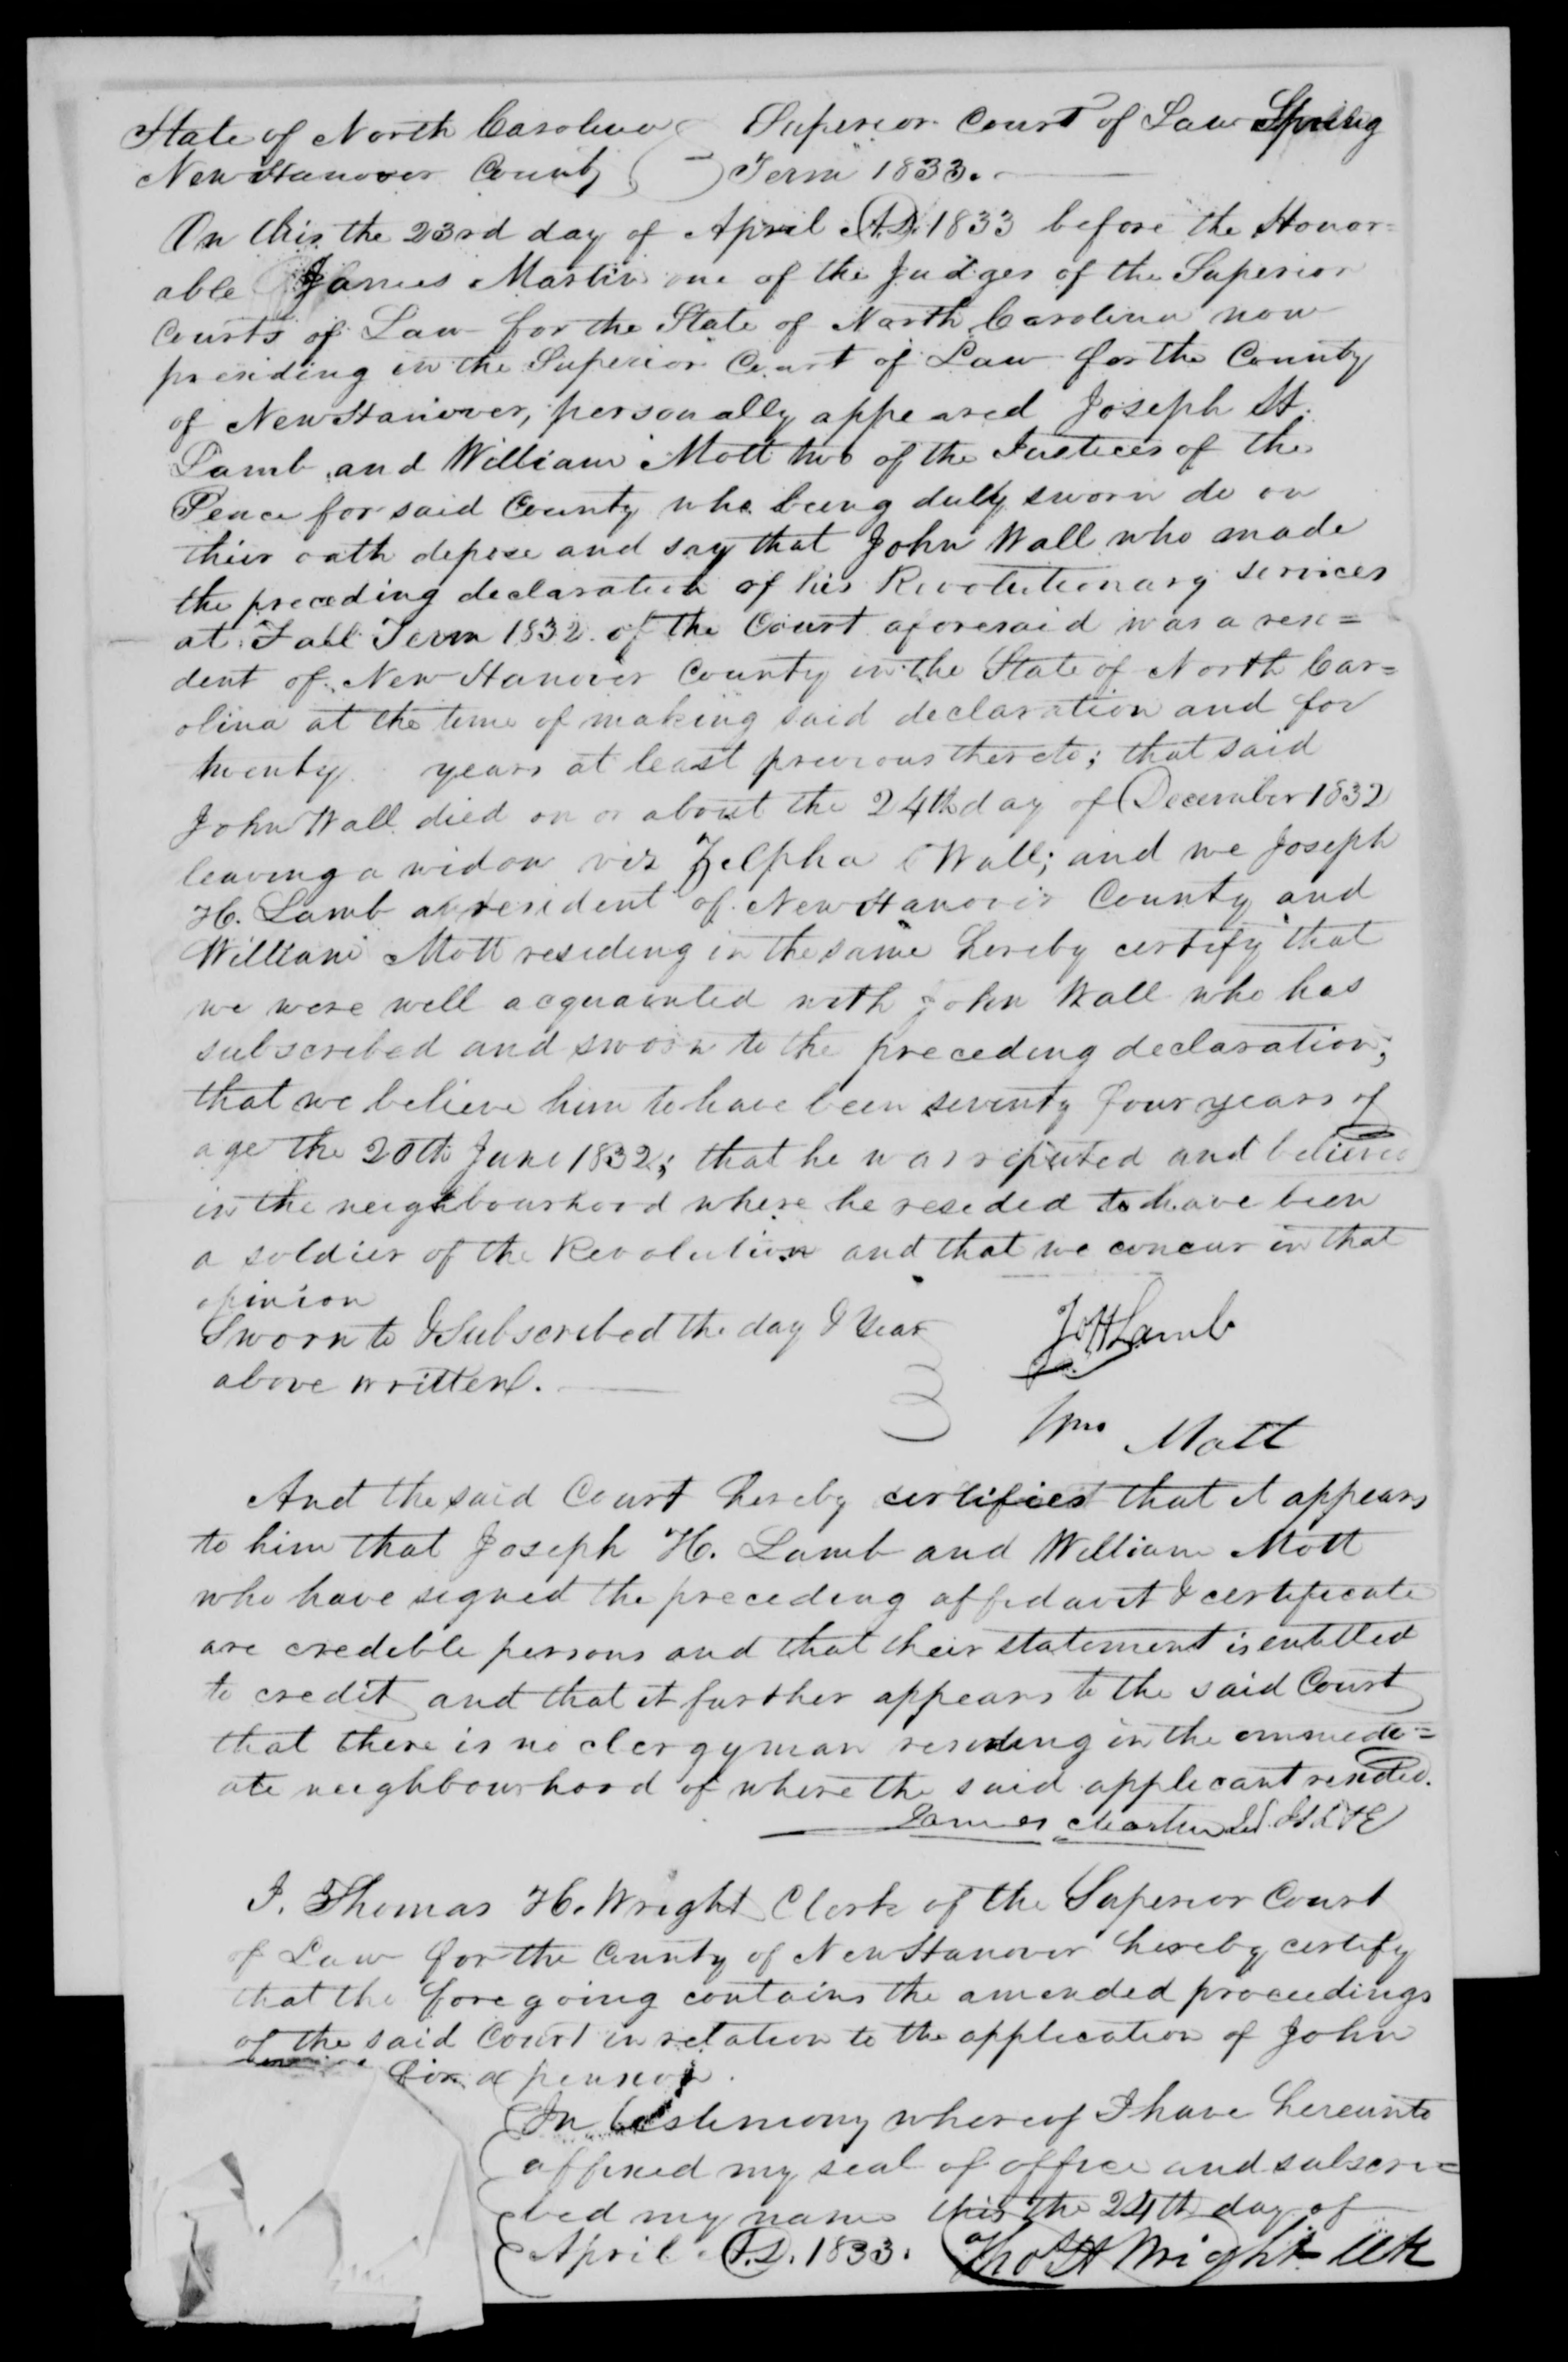State of North Carolina Superior Court of Law Spring New Hanover County Term 1833.
On this the 23rd day of April A.D. 1833 before the Honorable James Martin one of the Judges of the Superior Courts of Law for the State of North Carolina, now presiding in the Superior Court of Law for the County of New Hanover, personally appeared Joseph H. Lamb and William Mott two of the Justices of the Peace for said County who being duly sworn do on their oath depose and say that John Wall who made the preceding declaration of his Revolutionary services at Fall Term 1832 of the Court aforesaid was a resident of New Hanover County in the State of North Carolina at the time of making said declaration and for twenty years at least previous thereto; that said John Wall died on or about the 24th day of December 1832 leaving a widow viz Zelpha Wall; and we Joseph H. Lamb a resident of New Hanover County and William Mott residing in the same hereby certify that we were well acquainted with John Wall who has subscribed and sworn to the preceding declaration; that we believe him to have been seventy four years of age the 20th June 1832, that he was reputed and believed in the neighbourhood where he resided to have been a soldier of the Revolution and that we concur in that opinion
Sworn to & Subscribed the day & year above written.
Jo. H. Lamb
Wm. Mott
And the said Court hereby certifies that it appears to him that Joseph H. Lamb and William Mott who have signed the preceding affidavit & certificate are credible persons and that their statement is entitled to credit and that it further appears to the said Court that there is no clergyman residing in the immediate neighbourhood of where the said applicant resided
James Martin J.P. [more letters]

I, Thomas H. Wright Clerk of the Superior Court of Law for the County of New Hanover hereby certify that the foregoing contains the amended proceedings of the said Court in relation to the application of John [damaged]
for a pension.
In testimony whereof I have hereunto affixed my seal of office and subscribed my name this 24th day of April 1833.
Thos. H. Wright clk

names: William Mott, Thos H Wright, John Wall, Zelpha C Wall, Joseph H Lamb, William Mott, William Mott, James Martin, John Wall, Jo H Lamb, John, Joseph H Lamb, James Martin, Joseph H Lamb, Thomas H Wright, Wm Mott, John Wall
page: 5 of 11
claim: rejected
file: R. 11089, John Wall, Va.